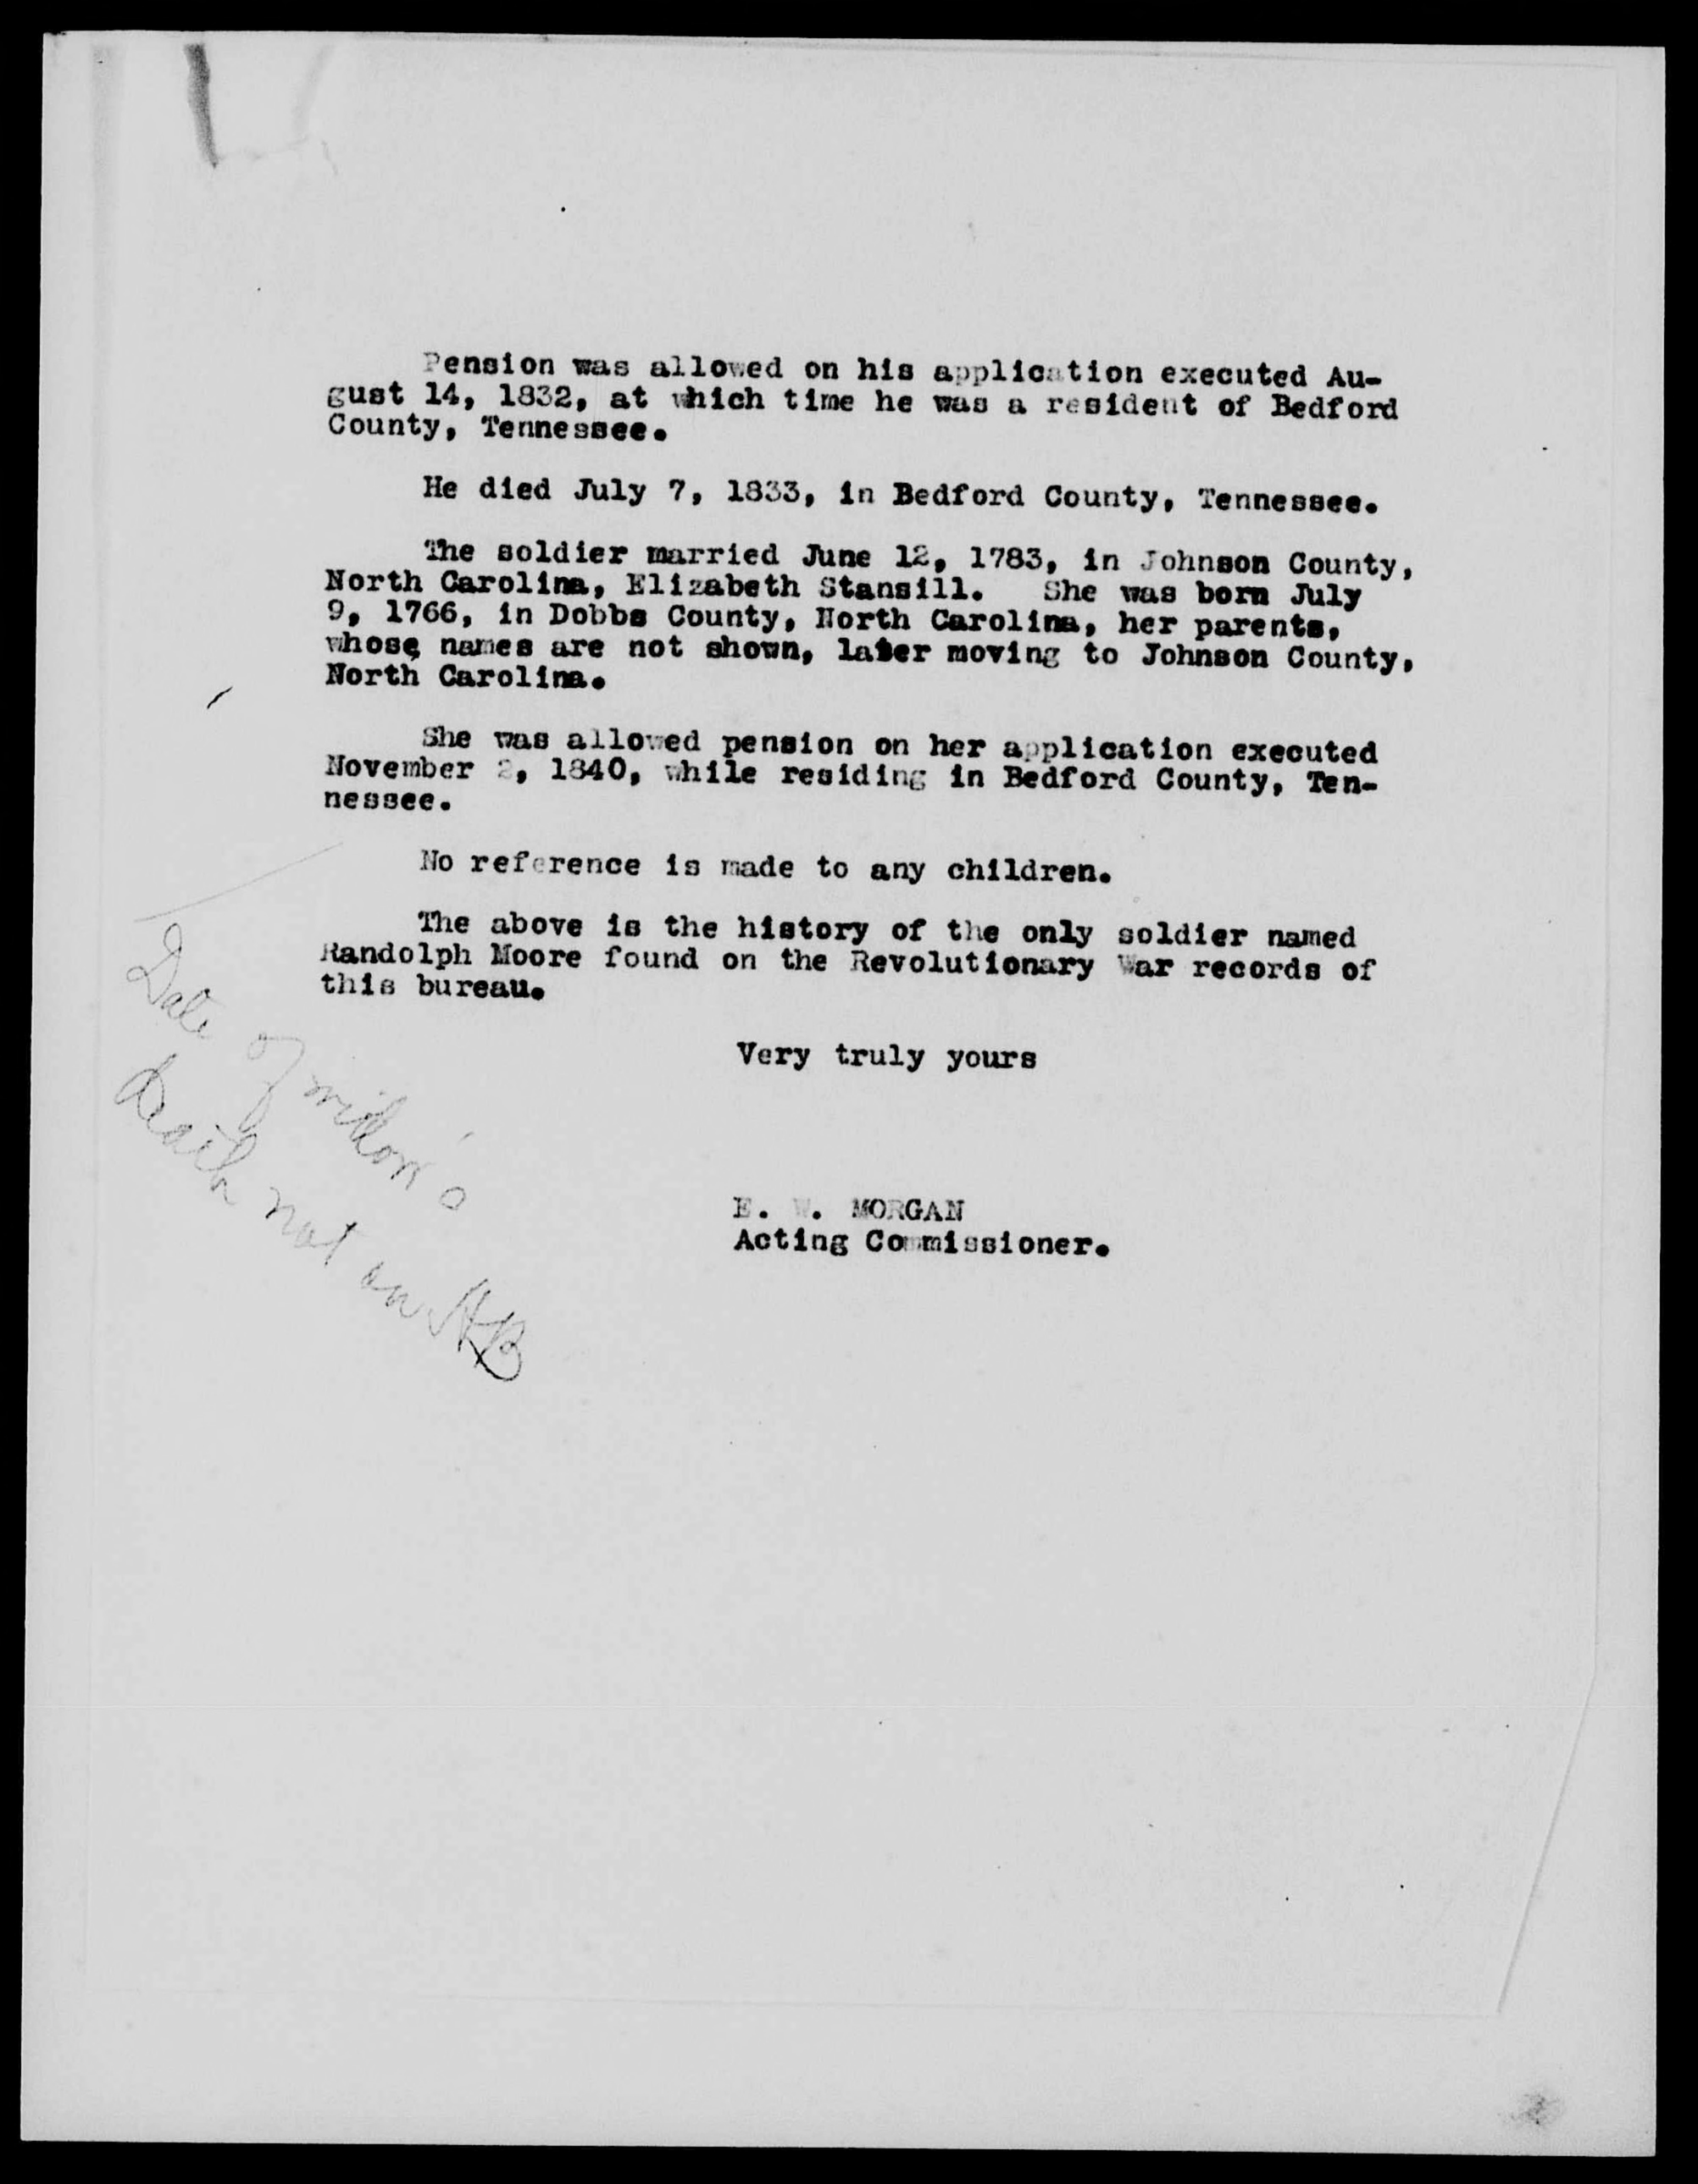Pension was allowed on his application executed August 14, 1832, at which time he was a resident of Bedford County, Tennessee.
He died July 7, 1833, in Bedford County, Tennessee.
The soldier married June 12, 1783, in Johnson County, North Carolina, Elizabeth Stansill. She was born July 9, 1766, in Dobbs County, North Carolina, her parents, whose names are not shown, later moving to Johnson County,
North Carolina. She was allowed pension on her application executed November 2, 1840, while residing in Bedford County, Tennessee. No reference is made to any children.
The above is the history of the only soldier named Randolph Moore found on the Revolutionary War records of this bureau.

Very truly yours

E. W. MORGAN
Acting Commissioner.

[note - Date of widow's death not on AB]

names: E W Morgan; Randolph Moore; Elizabeth Stansill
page: 29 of 33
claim: widow's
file: W. 52, for Randolph Moore, North Carolina